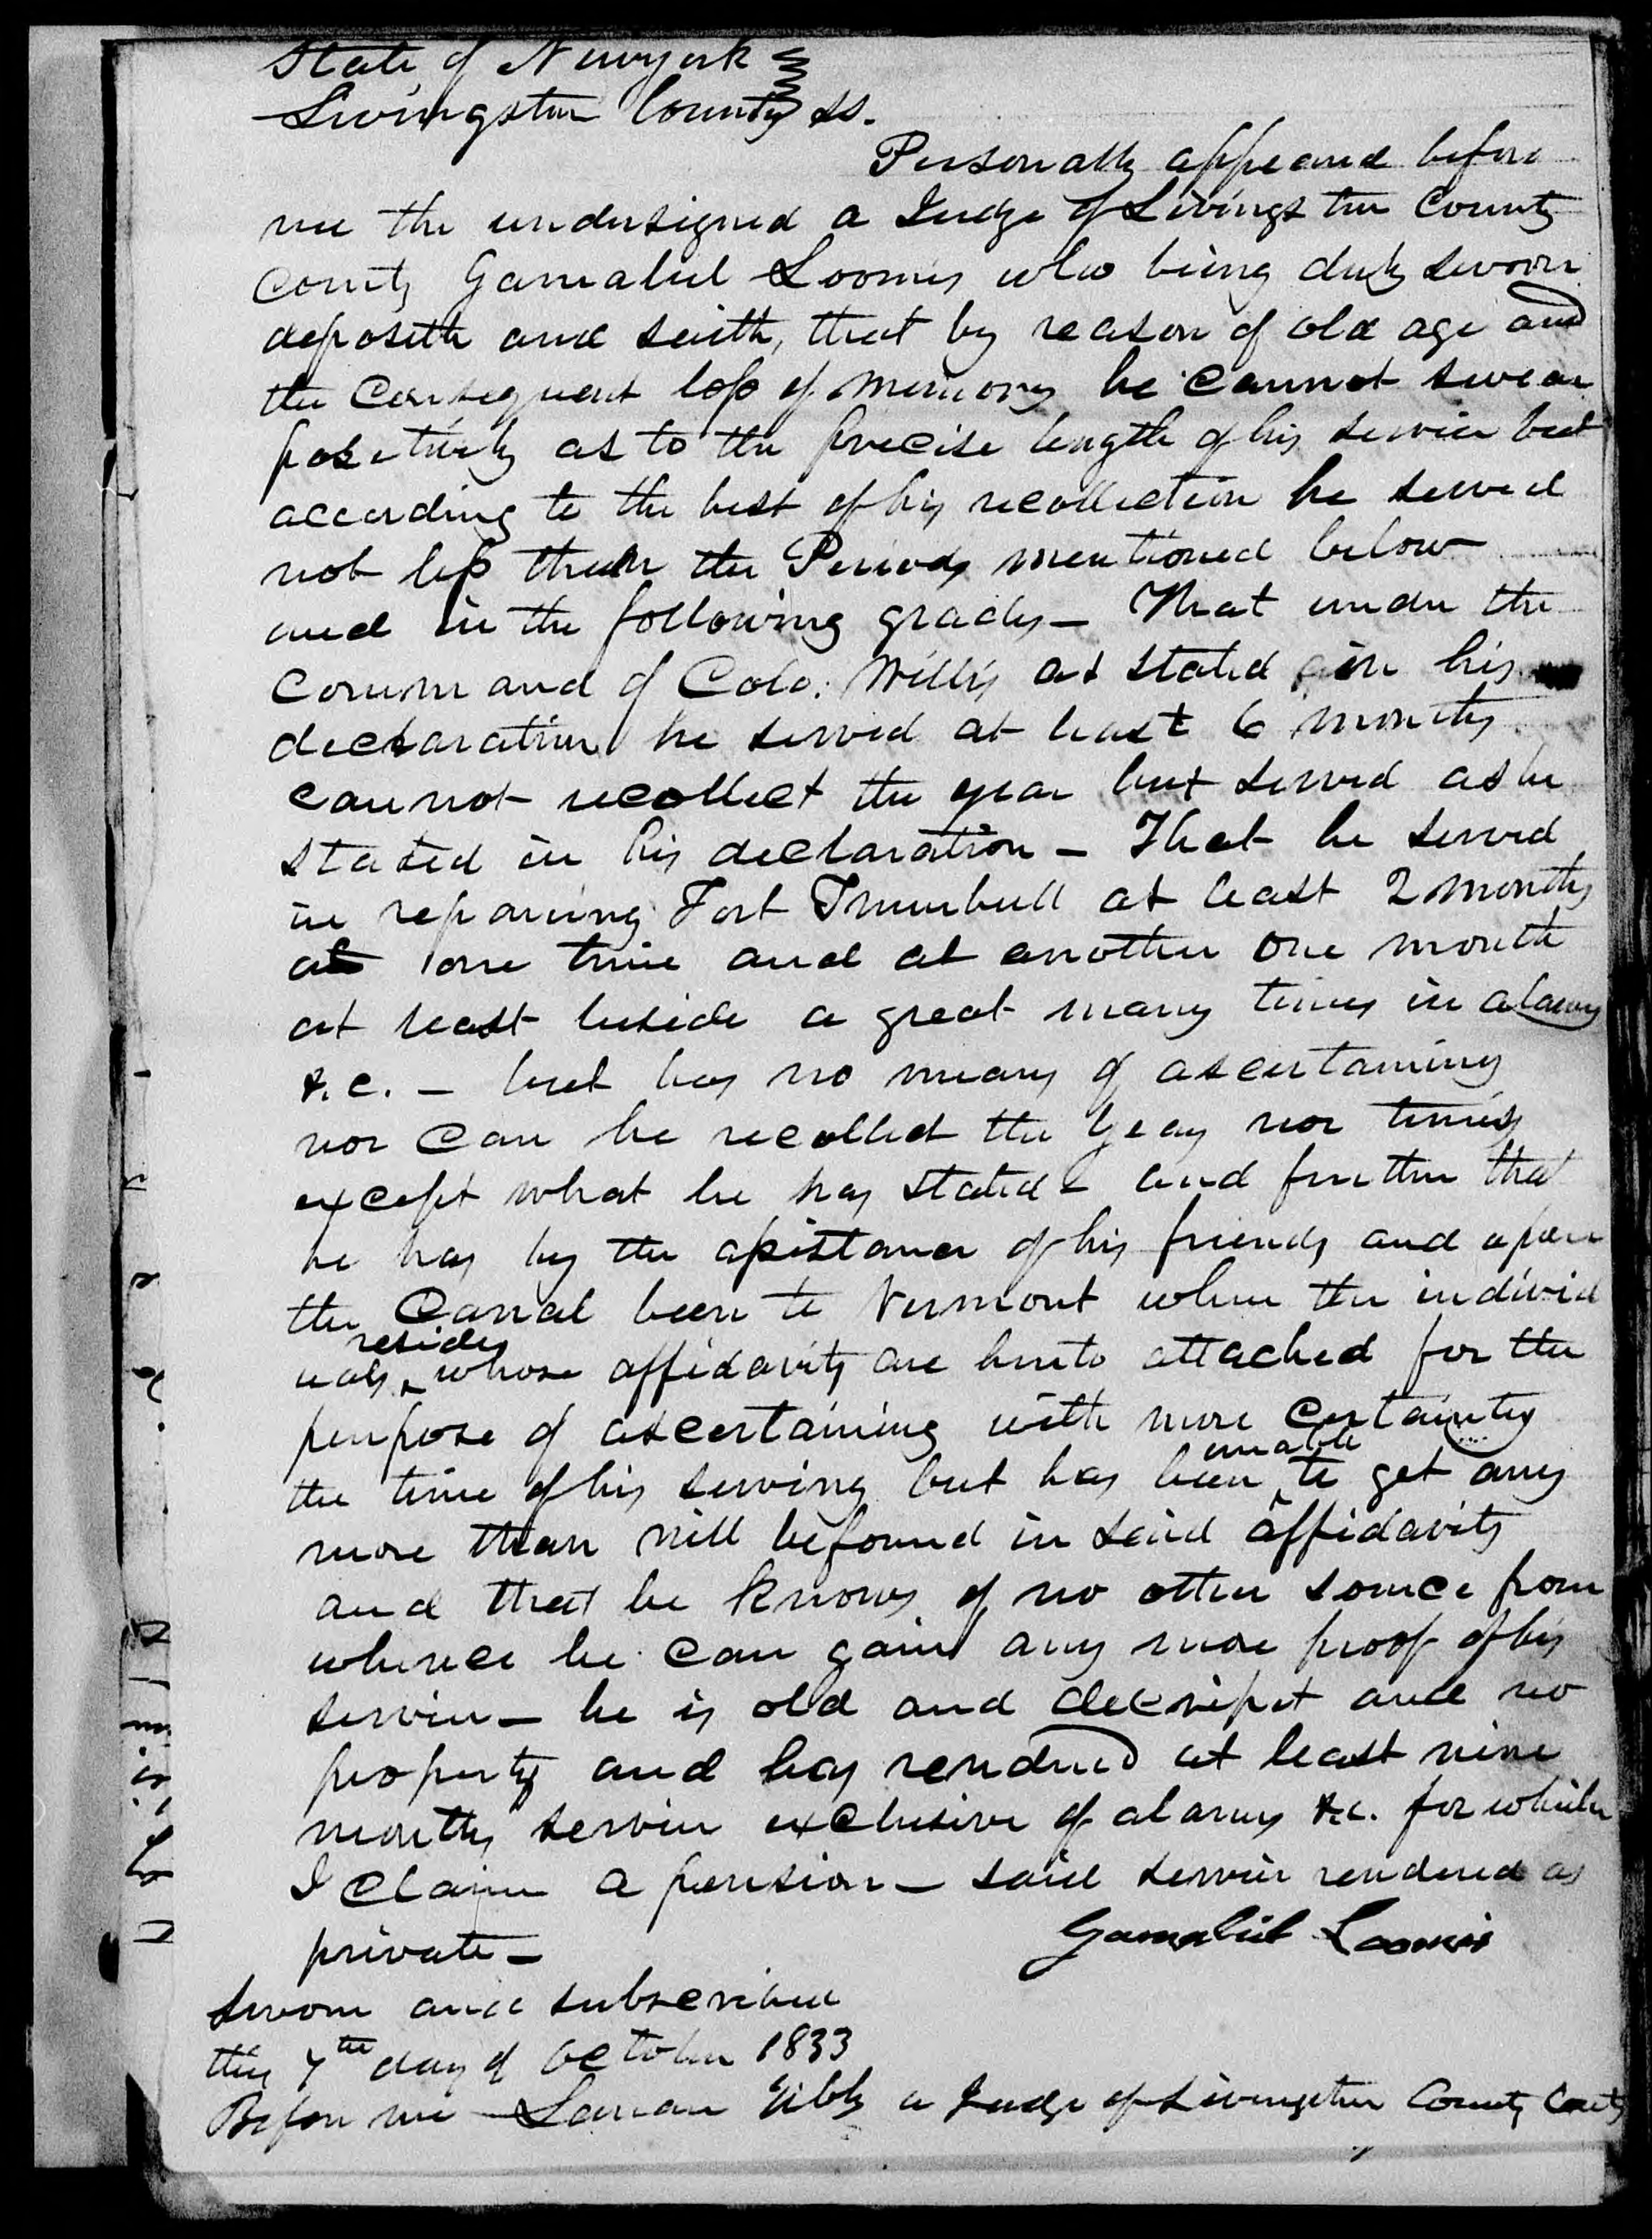State of New York
Livingston County SS.
Personally appeared before me the undersigned a Judge of Livingston County Gamaliel Loomis who being duly sworn deposeth and saith that by reason of old age and the consequent loss of memory he cannot swear positively as to the precise length of his service but According to the best of his recollection he served not up thru the Periods mentioned below and in the following grades - That under the command of Colo. Willis and stated from his declaration he served at least 6 months. cannot recollect the year but served as he stated in his declaration - That he served in repairing Fort Trumbull at last 2 months at one time and at another one month at least beside a great many times in alarms &. c. - but has no memory of ascertaining nor can he recollect the year nor times except what he has stated - and from further that he has by the assistance of his friends and upon the Canal been to Vermont where the individual now ^ resides whose affidavits are hereto attached for the purpose of ascertaining with more certainty the time of his serving but has been ^ unable to get any more than will be found in said affidavits and that he knows of no other source from where he can gain any more proof of this service - he is old and decrepit and no property and has rendered at least nine months service exclusive of alarms &.c. for which I claim a pension - said service rendered as private - Gamaliel Loomis
Sworn and subscribed this 7th day of October 1833
Before me Leman Gibbs a Judge of Livingston County Courts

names: Gamaliel Loomis; [BLANK] Willis; Leman Gibbs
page: 11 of 21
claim: rejected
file: R. 6444, for Gamaliel Loomis, Connecticut